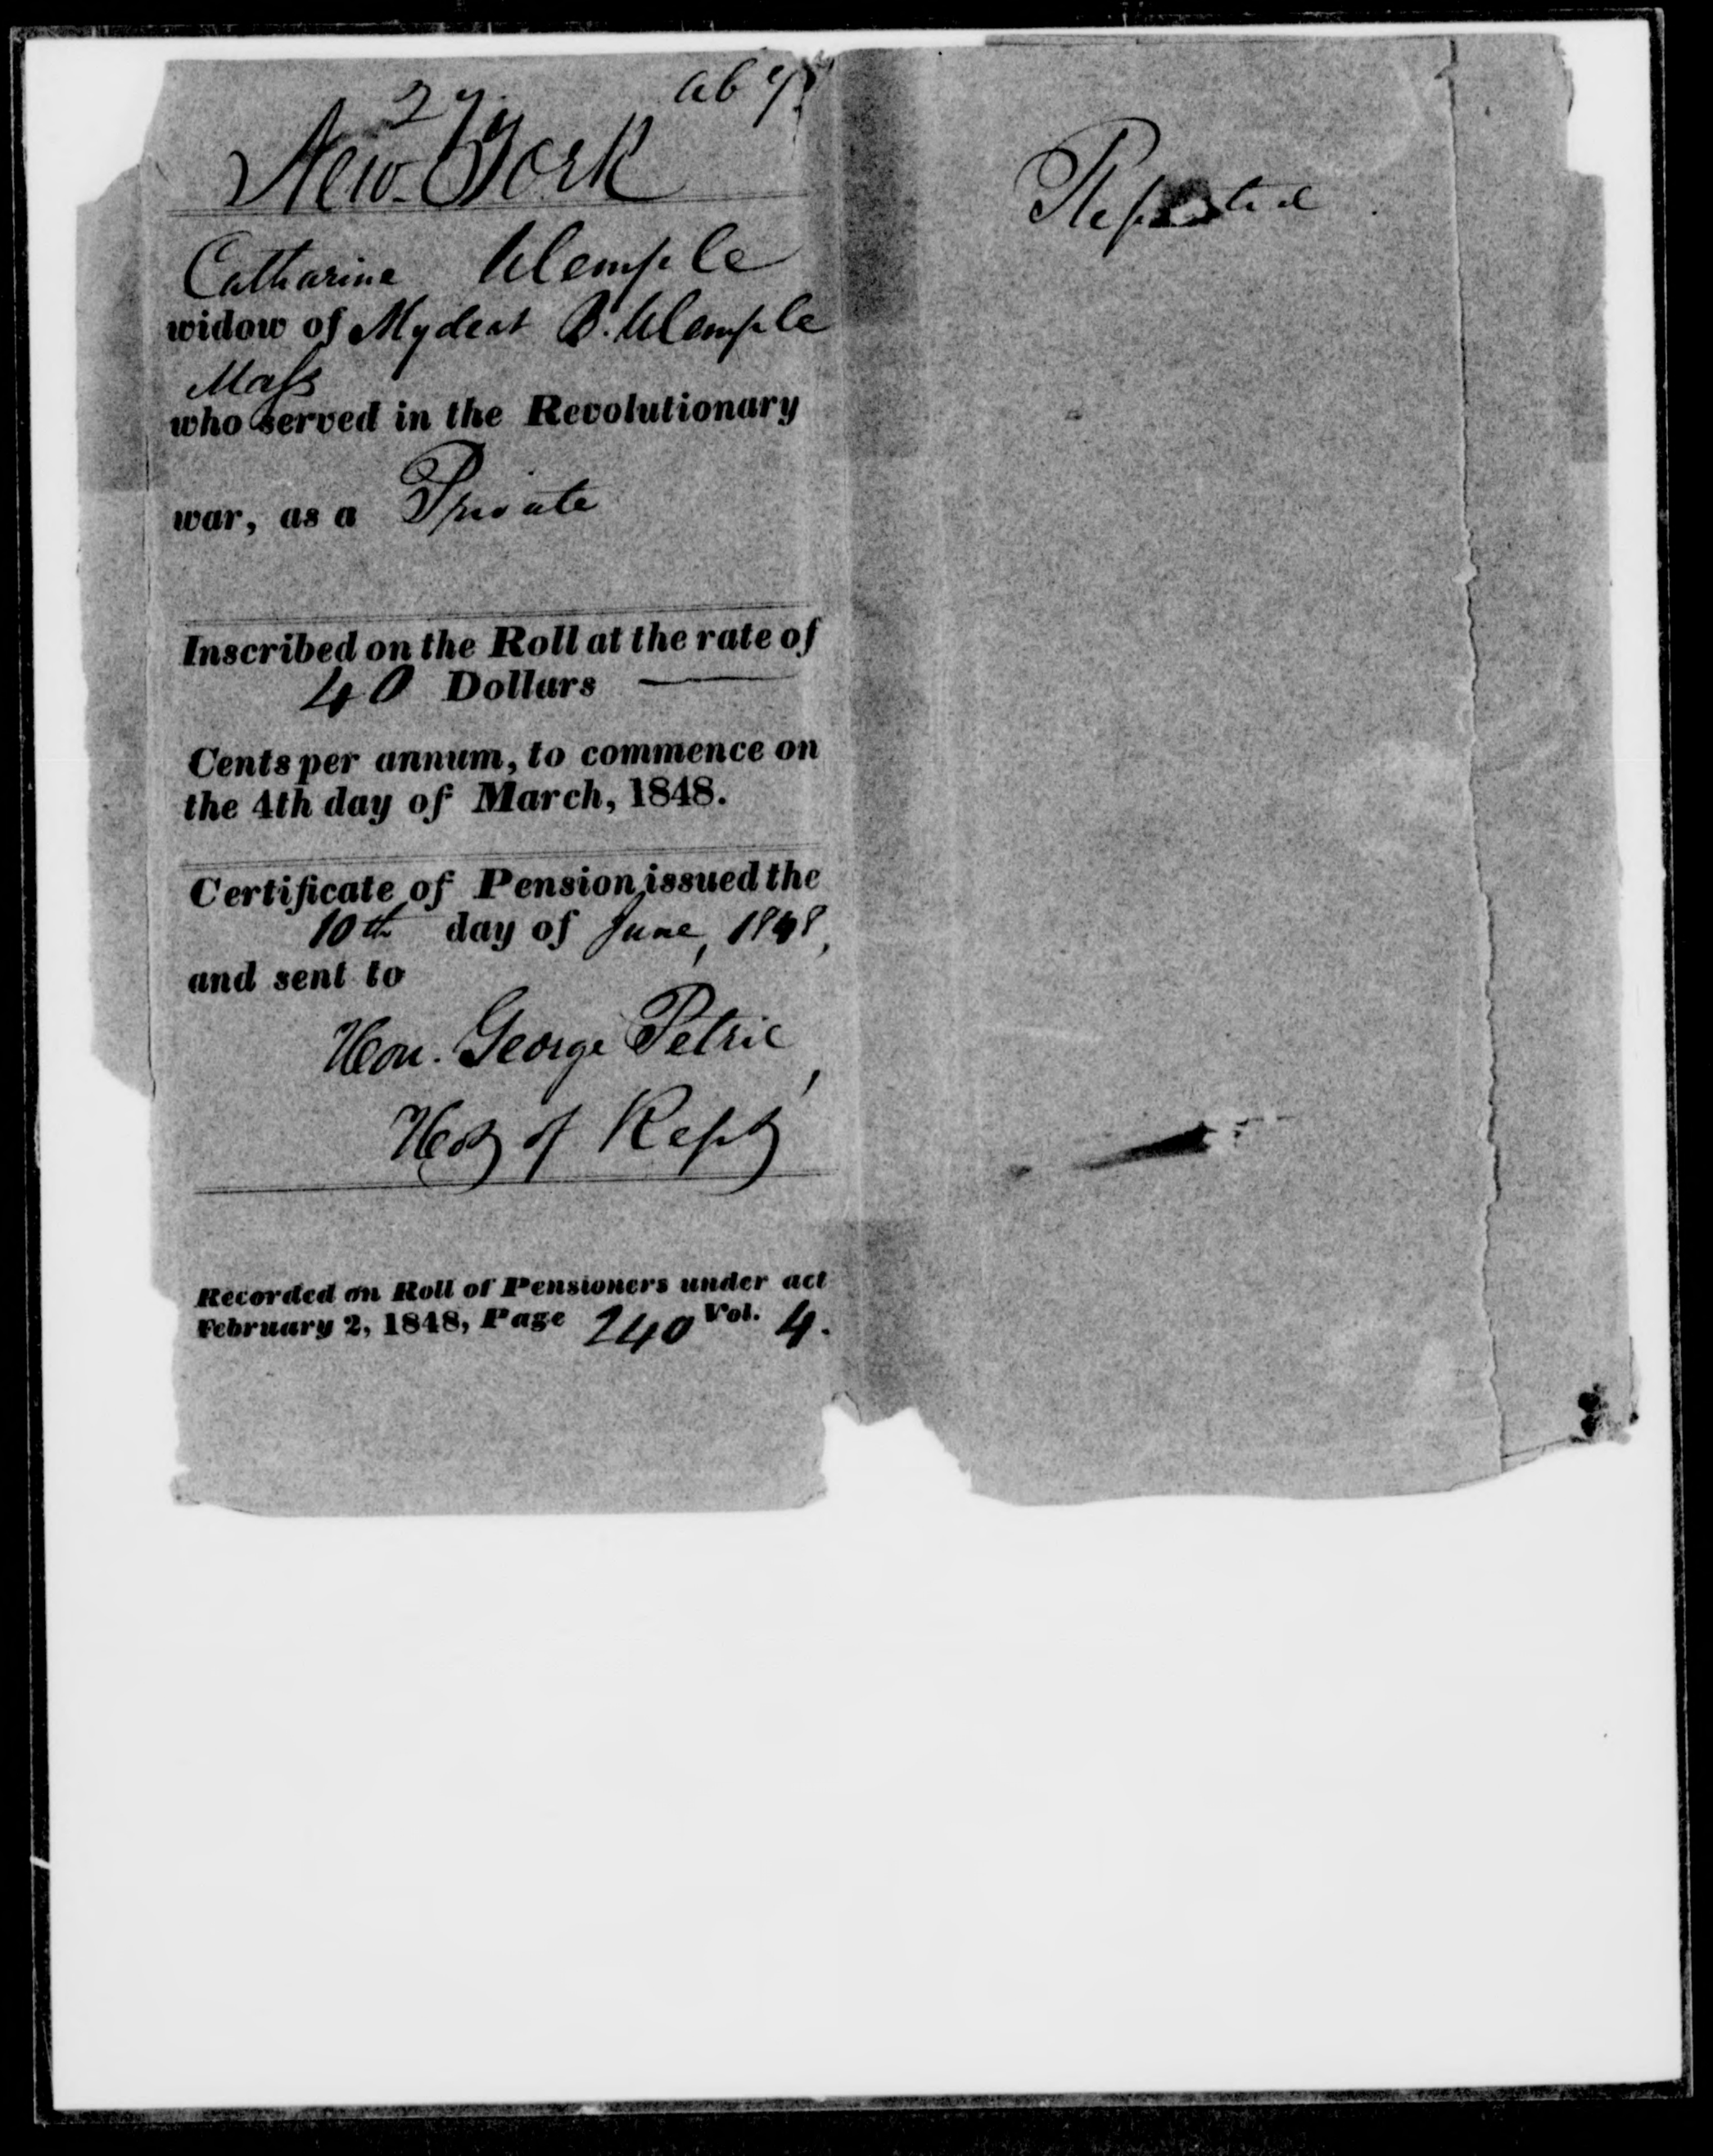ab y
27

New York

Catharine Wemple
widow of Mydert(Myndert) B. Wemple
Mass
who served in the Revolutionary 
war, as a Private

Inscribed on the Roll at the rate of
40 Dollars-----
Cents per annum, to commence on
the 4th day of March, 1848.

Certificate of Pension issued the
10th day of June, 1848,
and sent to
Hon. George Petric
Hos of Reps'

Recorded on Roll of Pensioners under act
February 2, 1848,  Page 240 Vol. 4.

(written of right side)
Rep[illegible]ted (Reported?)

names: Catharine Wemple, George Petric, Mydert B Wemple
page: 3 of 51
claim: widow's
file: W. 19604, Myndert B Wemple, New York